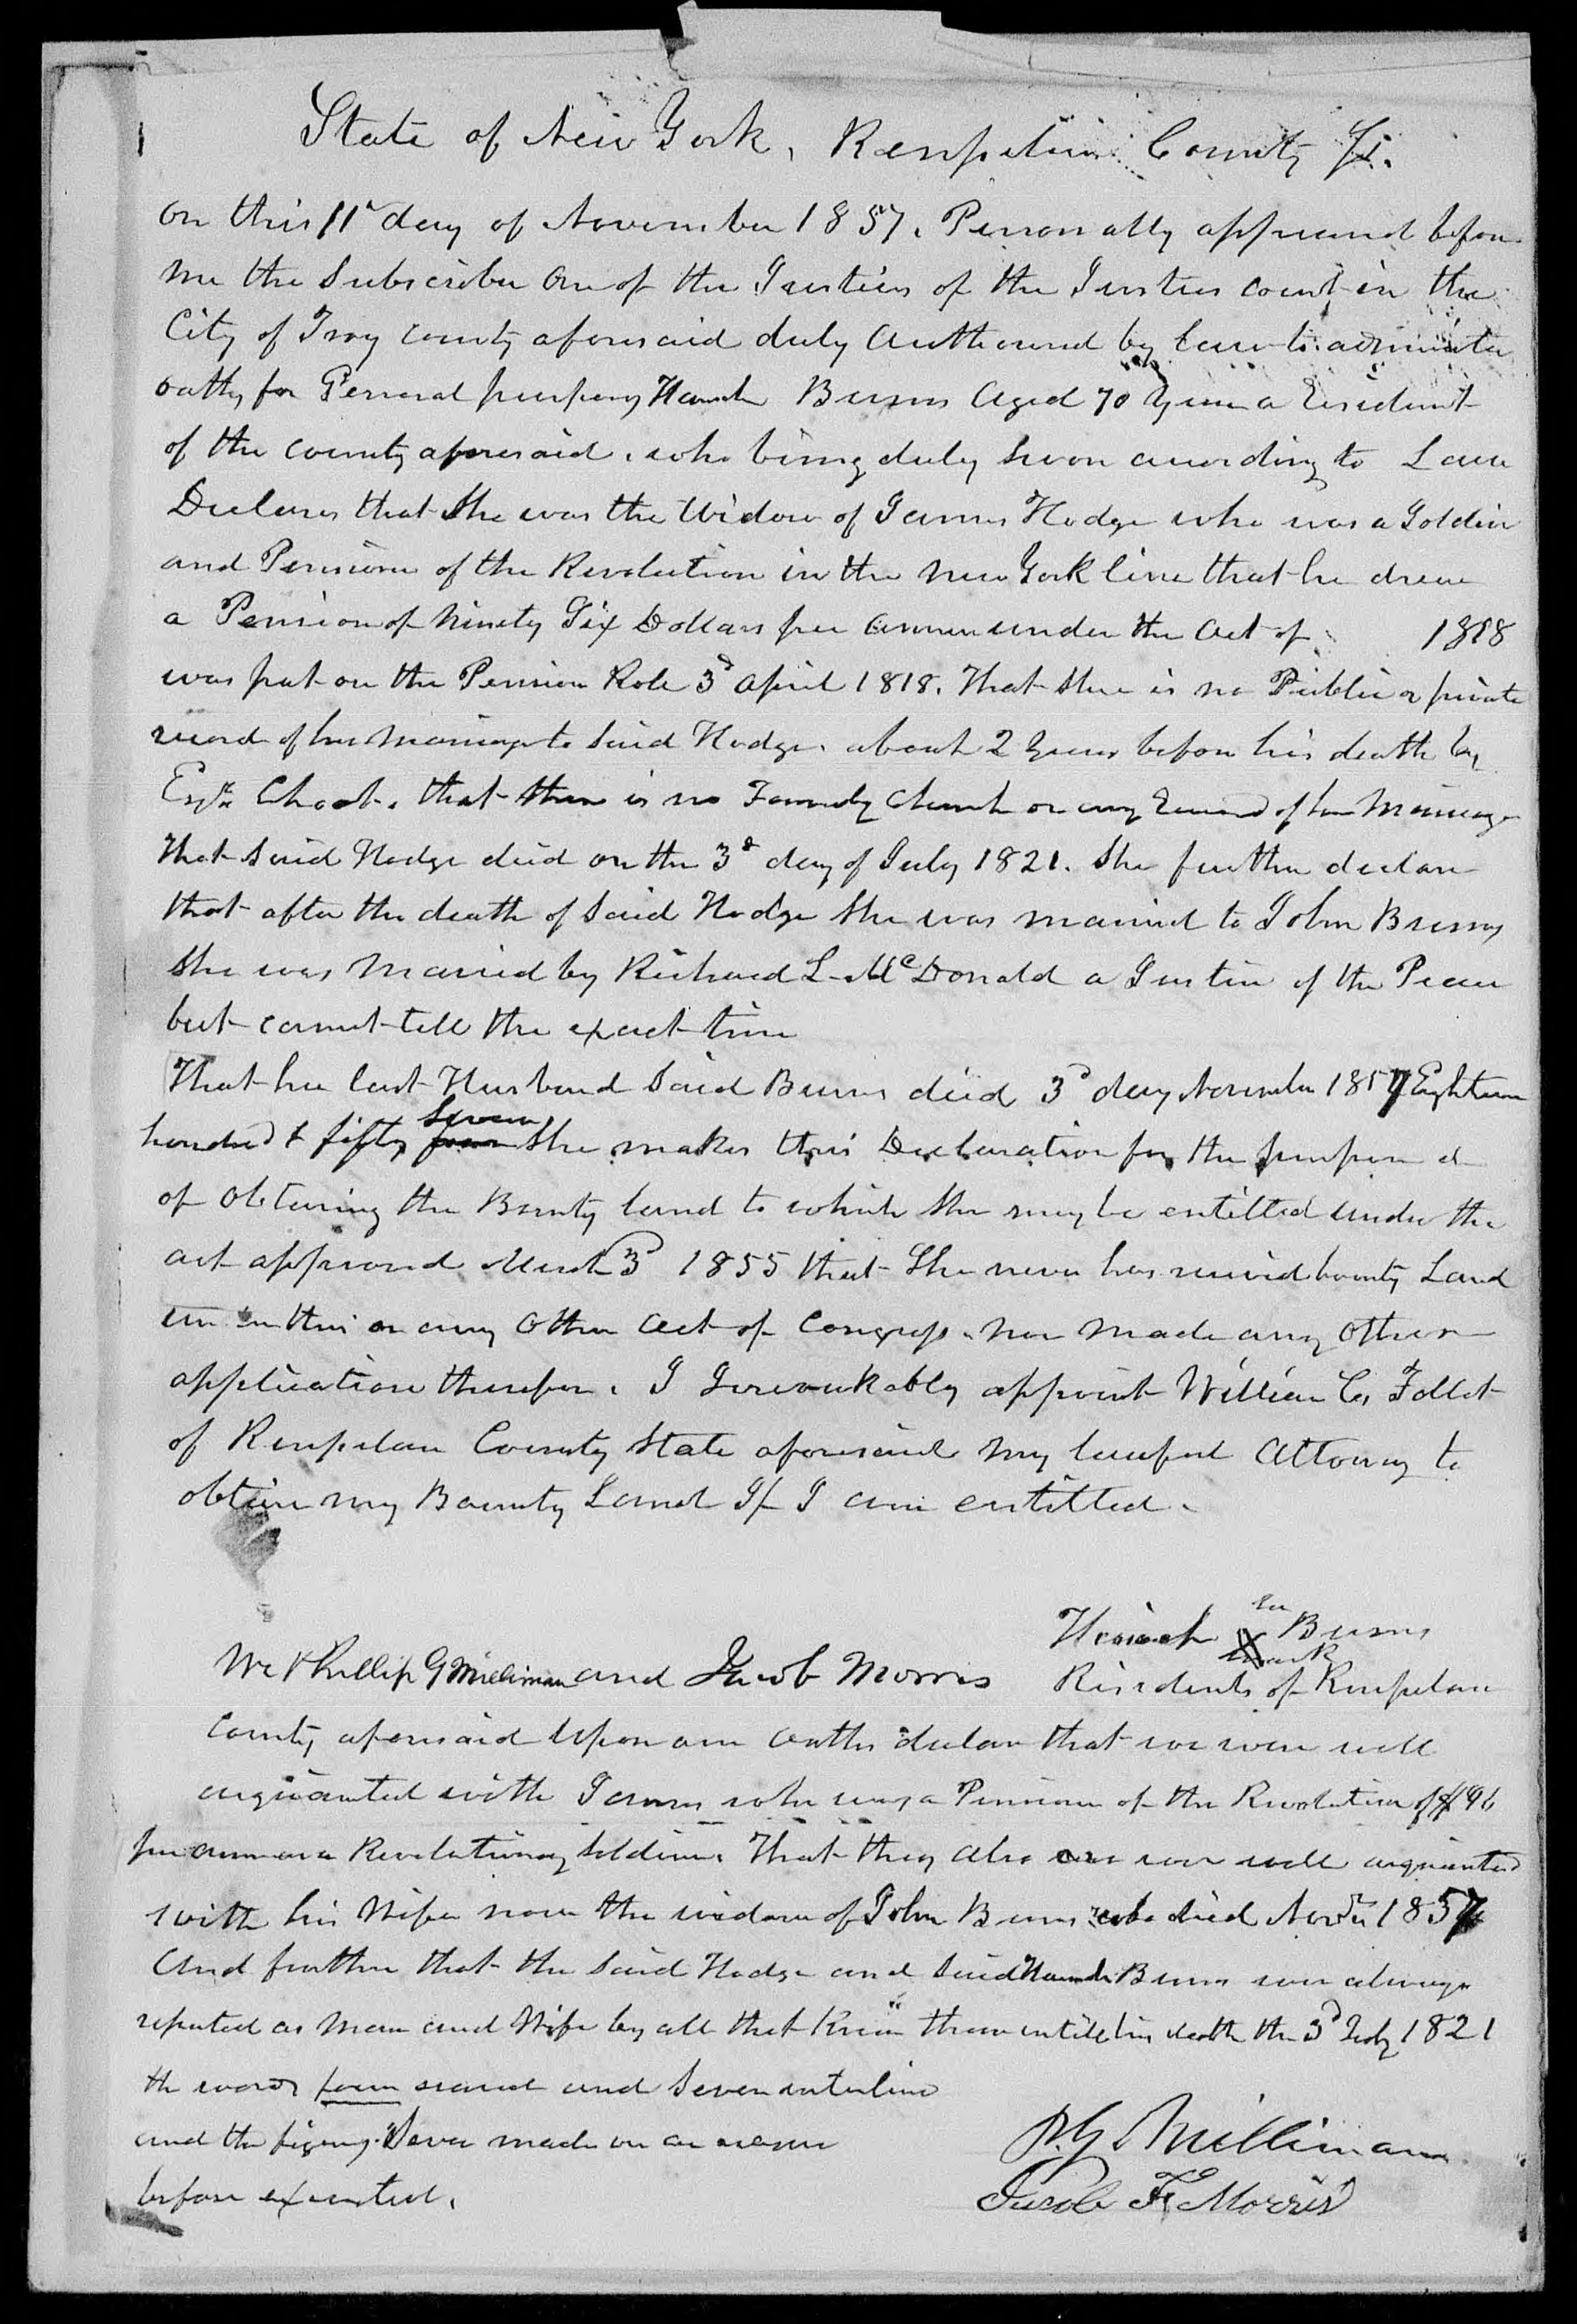State of New York, Renfortaion Count Li.

On this 11 day of November 1857. Personally appeared before me the Subscriber on of the (illegible) Santics of the Denties court in the  City of Troy court aforesaid duly authorized by court administer oath for General beneficiary Hannah Bergen Age 70 years a (illegible) indeed declares that she was the widow of  James Hodge who was a soldier and Prisioner of the Revolution in the New York line that he drew a Pension of Niney Six Dollars free (illegible) grant? under the Act of 1818 was put on the Pension Role 3rd April 1818. That there is no Public or private fund of his (illegible) manuscript?. Said Hodge, about 2 years before his death by (illegible) En: Chod., that then is no Family Church or any Record of the Marriage that said Hodge died on the 3rd day of July 1821. She further declares that after the dealth of Said Hodge she was married to John Bresny. She was married by Richard L. McDonald a Justice of the Peace but cannot tell the exact time. 

What her last husband said Bresny died 3rd day November 1857 Eighteen hundred and fifty seven. She makes this Declaration for the stipend  of obtaining the Bounty land to which she (illegible) suing(?) be entitled under the  art approval March 2 1855 that she never has (illegible)  bounty Land in this or any other Act of Congress, nor made any other application therefor. I (illegible) appoint William C. Follet of Renfortan County State aforesaid my dutiful Attorney to obtain my bounty Land If I am entitled. 
                             Hannah Lee Bresny 
(crossed out thank)

   Mr. Phillip G Milkiman and Jacob Morris  Resident of (illegible) Ruefritan County aforesaid upon am other (illegible)   dulan that was war will orginated with (illegible) I am soldier using a Pension of the Revolution of 1796.  (illegible)Revolutionary Solider. That then who was war  (illegible) acquainted. I with his wife now the widow of John Bresny who died November 1857 and further that the said Hodge and said Hannah Bresny were always  updated as Man and Wife by all that knew them until his dealth that 3rd July 1821 from this world  (illegible) and Seven  (illegible) and the fifty Seven made on as  (illegible) before  (illegible) .
               PG Milkiman
               Jacob F Morris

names: P G Milliman, Hodge, Jacob Morris, Burns, Phillip G Milliman, James Hodge, Hodge, Hannah Burns, Richard L Mc Donald, Jacob F Morris, Hodge, Hodge, Hannah Burns, John Burns, William C Follet, Hannah Burns, John Burns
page: 31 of 48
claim: widow's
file: W. 10476, James Hodge, New York